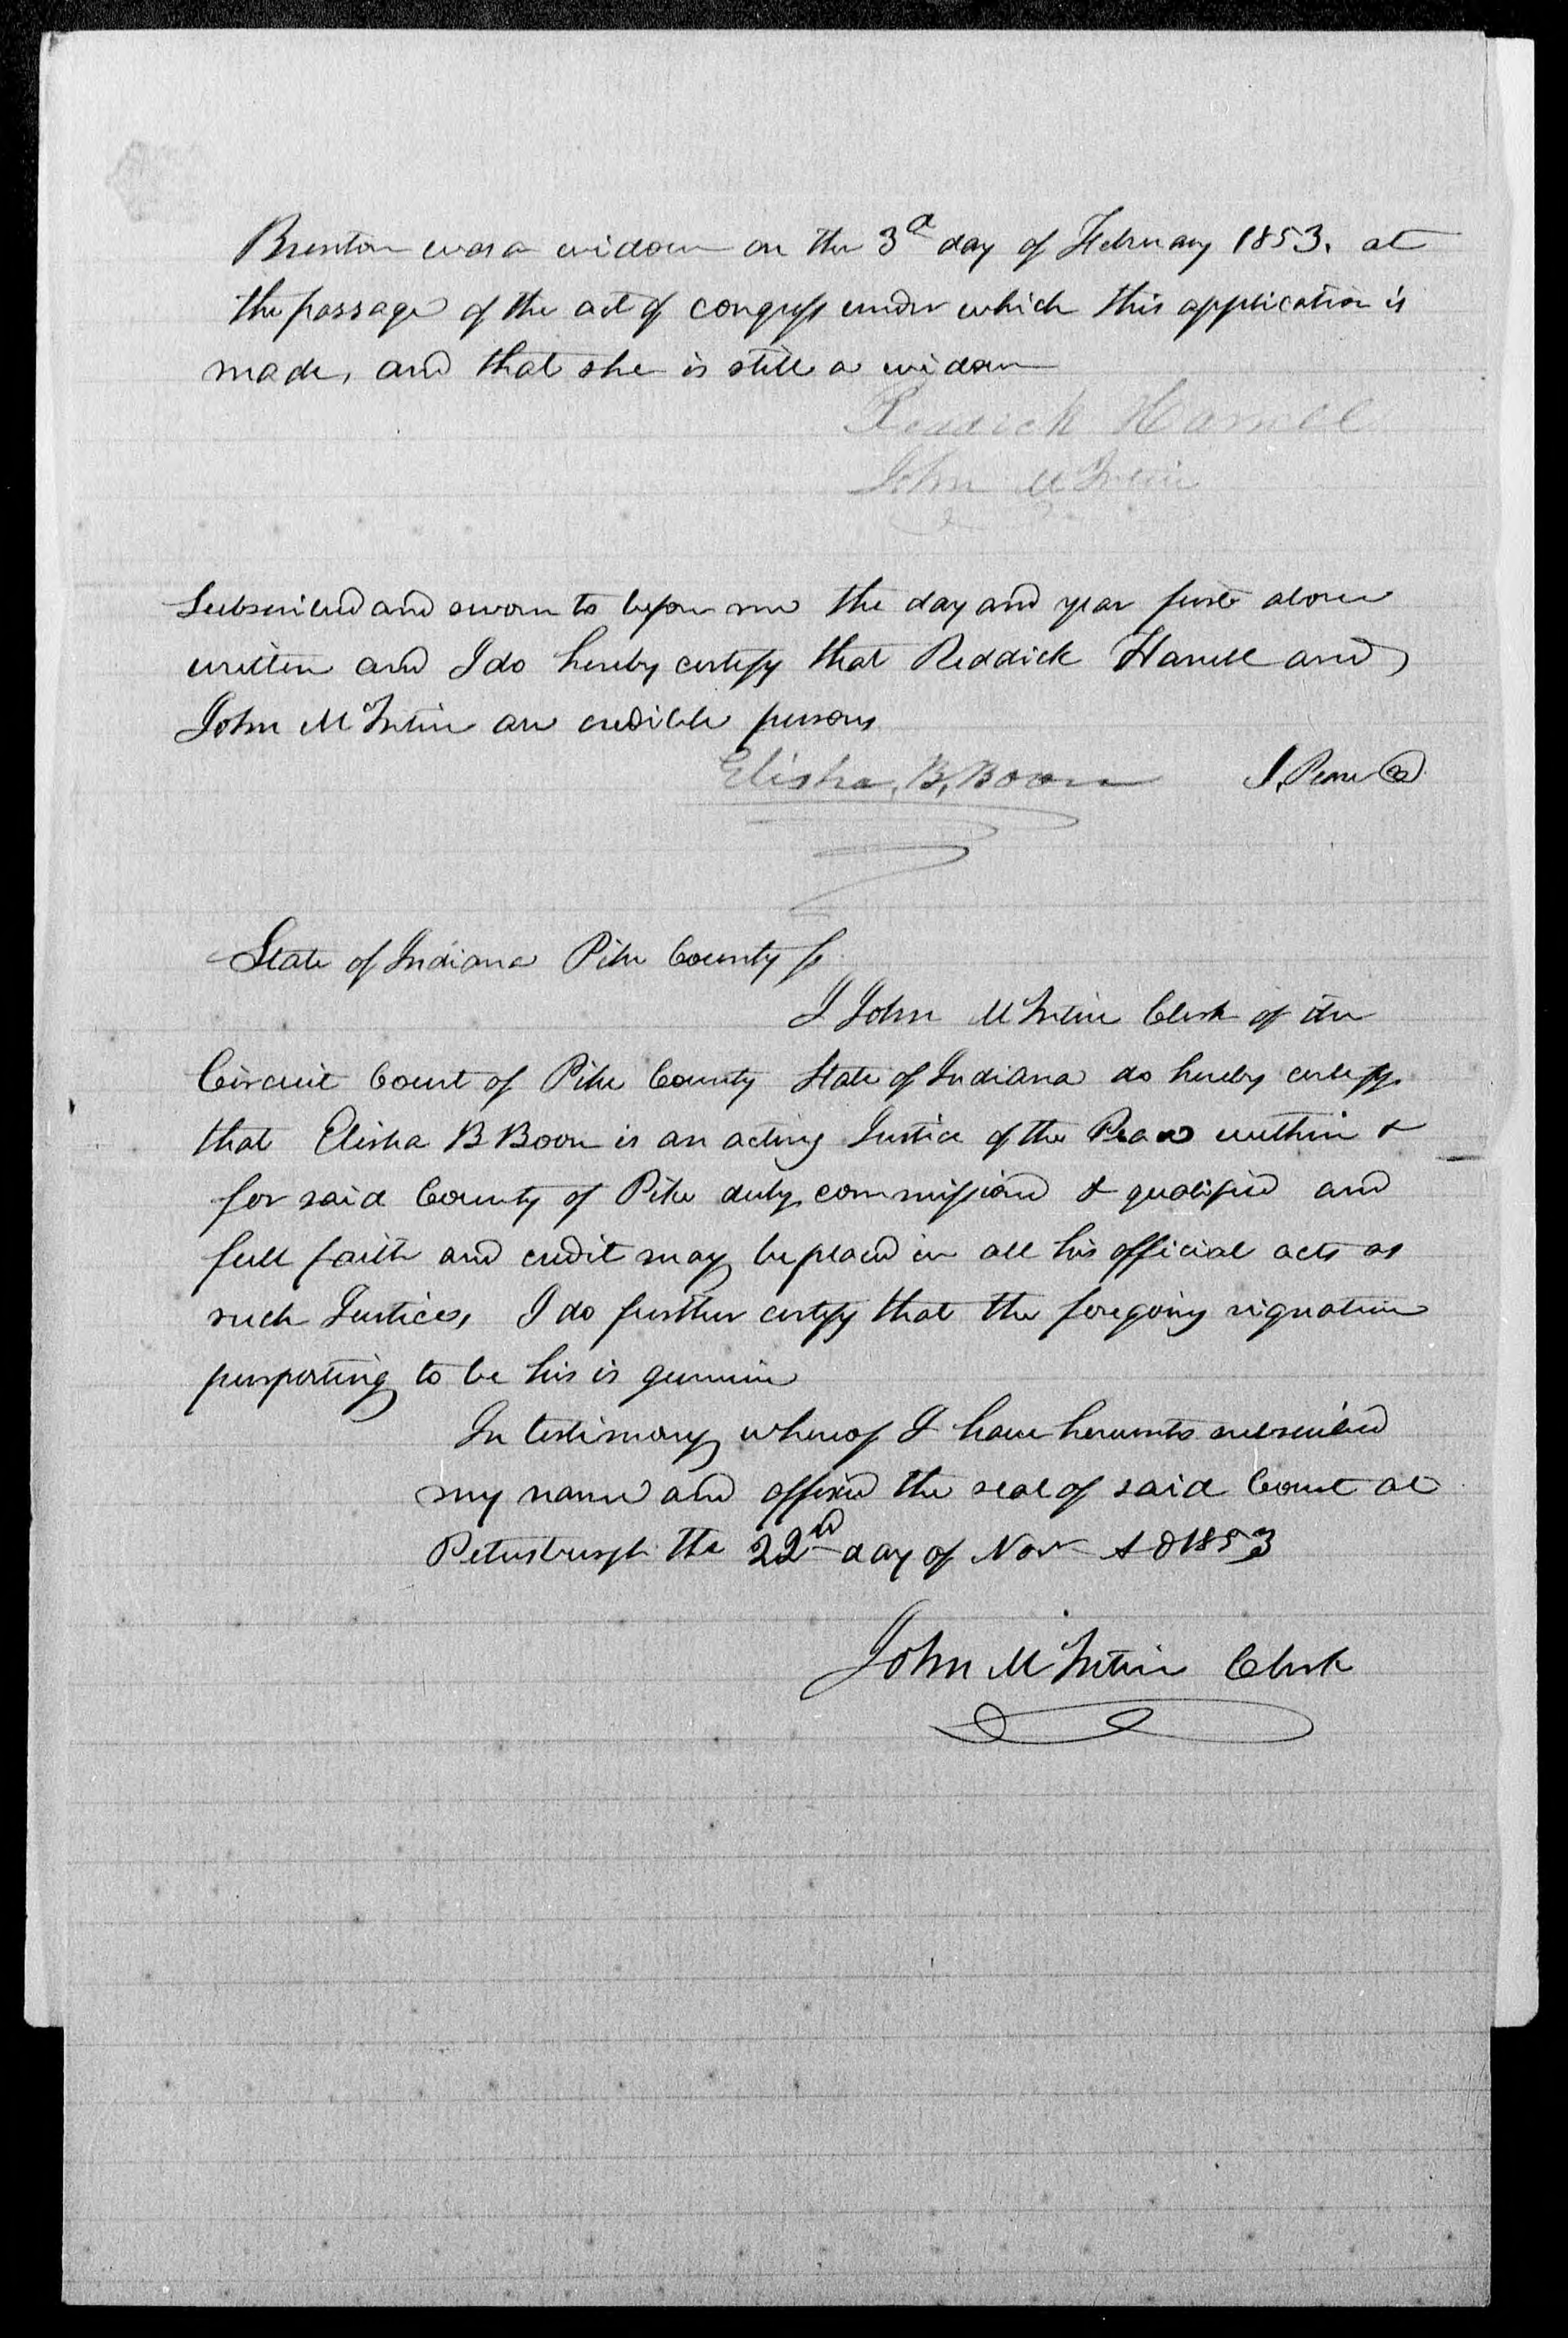Brenton was a widow on the 3rd day of February 1853, at the passage of the act of congress under which this application is made, and that she is still a widow
Reddick Harrell
John McIntire

Subscribed and sworn to before me the day and year first above written and I do hereby certify that Reddick Harrell and John McIntire are credible persons
Elisha B Boon J Pike Co

State of Indiana Pike County}
I John McIntire Clerk of the Circuit Court of Pike County State of Indiana do hereby certify that Elisha B Boon is an acting Justice of the Peace within & for said County of Pike duly commissioned & qualified and full faith and credit may be placed in all this official acts as such Justice. I do further certify that the foregoing signature purporting to be his is genuine
John McIntire Clerk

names: John Mc Intire, Elisha B Boon, Reddick Harrell, John Mc Intire, Brenton, Elisha B Boon, John Mc Intire, Reddick Harrell, John Mc Intire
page: 42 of 49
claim: widow's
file: W. 2518, James Brenton, Va.